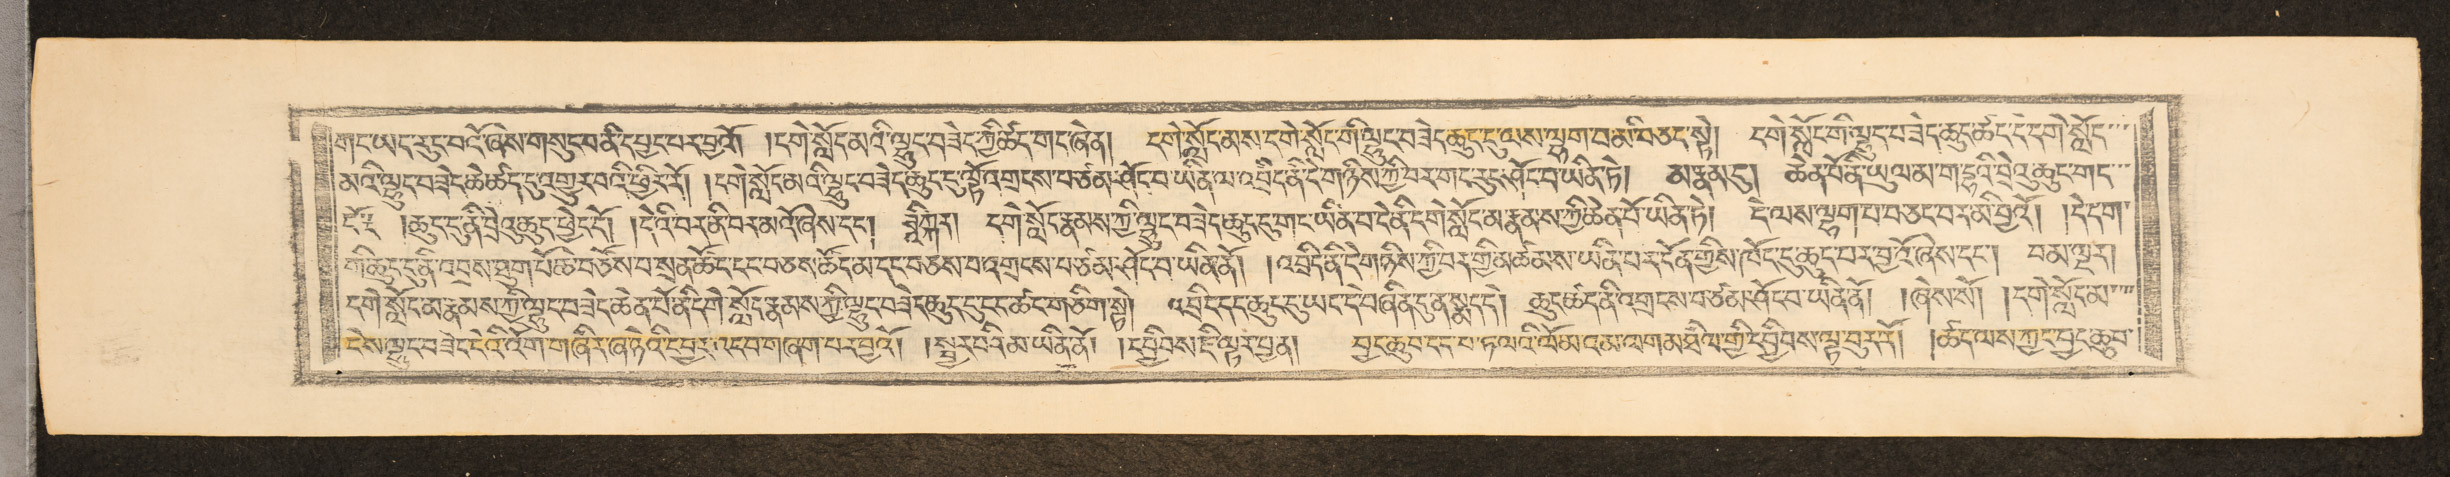གང་ཡང་རུང་བའོ་ཞེས་གསུང་བ་ནི་དཔྱད་པར་བྱའོ། །དགེ་སློང་མའི་ལྷུང་བཟེད་ཀྱི་ཚད་གང་ཞེ་ན། དགེ་སློང་མས་དགེ་སློང་གི་ལྷུང་བཟེད་ཆུང་དུ་ལས་ལྷག་པ་མི་བཅང་སྟེ། དགེ་སློང་གི་ལྷུང་བཟེད་ཆུང་ཚད་དེ་དགེ་སློང་
མའི་ལྷུང་བཟེད་ཆེ་ཚད་དུ་འགྱུར་བའི་ཕྱིར་རོ། །དགེ་སློང་མའི་ལྷུང་བཟེད་ཆུང་དུ་ལྟོ་འགྲངས་པ་ཙམ་ཤོང་བ་ཡིན་ལ་འབྲིང་ནི་དེ་གཉིས་ཀྱི་བར་གང་རུང་ཤོང་པ་ཡིན་ཏེ། མ་རྣམ་དུ། ཆེན་པོ་ནི་ཡུལ་མ་ག་དྷའི་བྲེའུ་ཆུང་གང་
ངོ༑ །ཆུང་ངུ་ནི་བྲེའུ་ཆུང་ཕྱེད་དོ། །དེའི་བར་ནི་བར་མའོ་ཞེས་དང་། ཊཱིཀྐར། དགེ་སློང་རྣམས་ཀྱི་ལྷུང་བཟེད་ཆུང་དུ་གང་ཡིན་པ་དེ་ནི་དགེ་སློང་མ་རྣམས་ཀྱི་ཆེན་པོ་ཡིན་ཏེ། དེ་ལས་ལྷག་པ་བཅད་བར་མི་བྱའོ། །དེ་དག་
གི་ཆུང་དུ་ནི་འབྲས་ཐུག་པོ་ཆེ་བཅོས་པ་སྲན་ཚོད་དང་བཅས་ཚོད་མ་དང་བཅས་པ་འགྲངས་པ་ཙམ་ཤོང་བ་ཡིན་ནོ། །འབྲིང་ནི་དེ་གཉིས་ཀྱི་བར་གྱི་མཚམས་ཡིན་པར་དོན་གྱིས་ཁོང་དུ་ཆུད་པར་བྱའོ་ཞེས་དང་། བམ་ལྔར།
དགེ་སློང་མ་རྣམས་ཀྱི་ལྷུང་བཟེད་ཆེན་པོ་ནི་དགེ་སློང་རྣམས་ཀྱི་ལྷུང་བཟེད་ཆུང་དུ་དང་ཚད་གཅིག་སྟེ། འབྲིང་དང་ཆུང་དུ་ཡང་དེ་བཞིན་དུ་ན་སྨད་དེ། ཆུང་ཚད་ནི་འགྲངས་པ་ཙམ་ཤོང་བ་ཡིན་ནོ། །ཞེས་སོ། །དགེ་སློང་མ་
དེས་ལྷུང་བཟེད་དེའི་འག་གཞིར་ཞ་ཉེའི་དབྱར་འདབ་གཞག་པར་བྱའོ། །སྦྱར་བའི་མ་ཡིན་ནོ། །དབྱིབས་ཇི་ལྟར་བྱ་ན། བྱང་ཆུབ་དང་པ་ཏ་ལའི་ལོ་མ་འམ་ལག་མཐིལ་གྱི་དབྱིབས་ལྟ་བུར་རོ། །ཚད་ལས་ཀྱང་བྱང་ཆུབ་